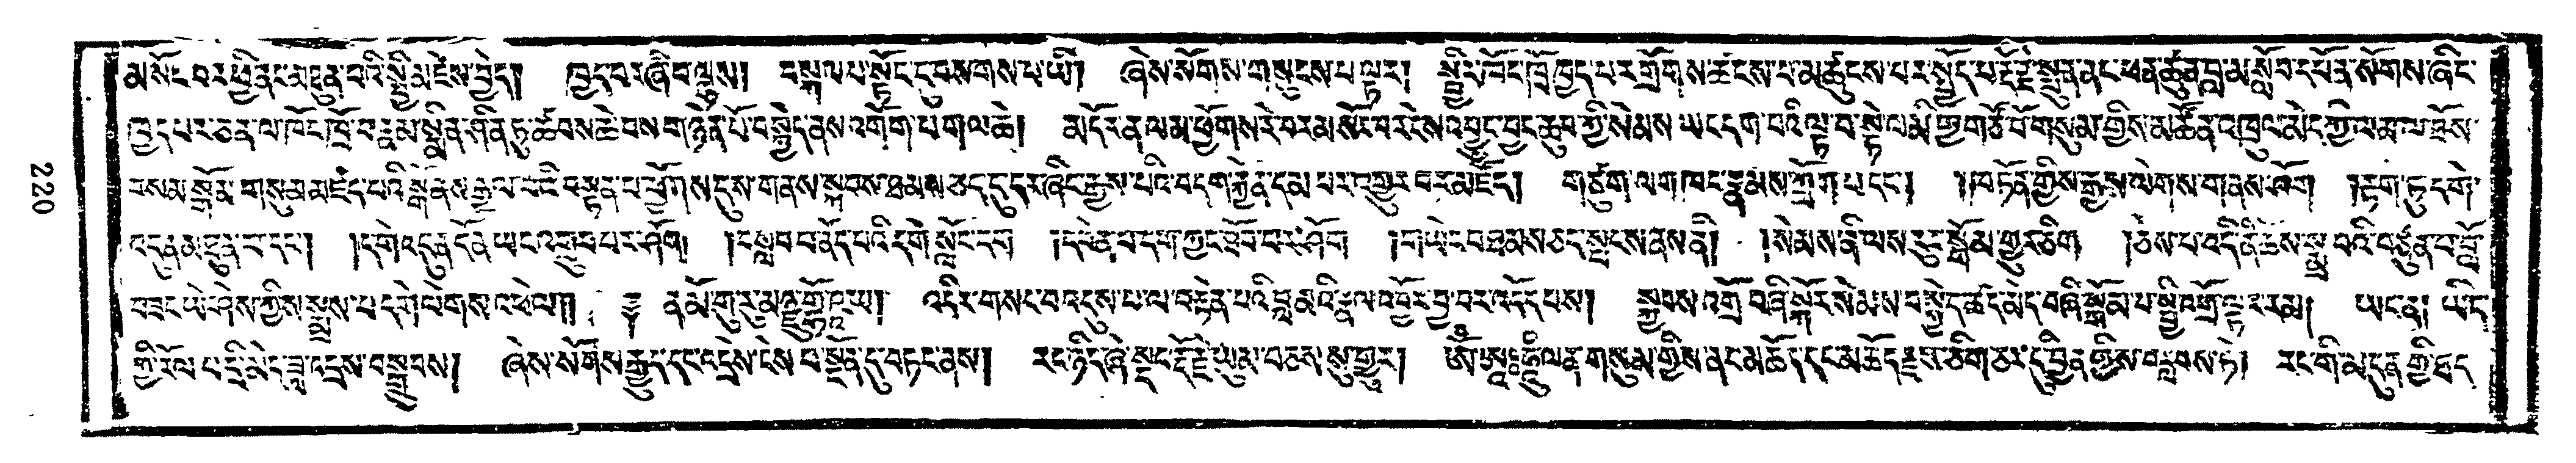མ་སོང་བར་ཕྱི་ནང་མཐུན་པའི་སྤྱི་མཛེས་བྱེད། ཁྱད་བར་ཞི་བ་ལྷས། བསྐལ་བ་སྟོང་དུ་བསགས་པ་ཡི། ཞེས་སོགས་གསུངས་པ་ལྟར། སྦྱིར་ཁོང་ཁྲོ་ཁྱད་པར་གྲོགས་ཚངས་པ་མཚུངས་པར་སྤྱོད་པ་རྡོ་རྗེ་སྤུན་ནང་ཕན་ཚུན་བླ་མ་སློབ་དཔོན་སོགས་ཞིང་
ཁྱད་པར་ཅན་ལ་ཁོང་ཁྲོ་བ་རྣམ་སྨིན་ཤིན་ཏུ་ཚབས་ཆེ་བས་གཉེན་པོ་བསྐྱེད་ནས་འགོག་པ་གལ་ཆེ། མདོར་ན་ལམ་ཕྱོགས་རེ་བར་མ་སོང་བར་ངེས་འབྱུང་བྱང་ཆུབ་ཀྱི་སེམས་ཡང་དག་པའི་ལྟ་བ་སྟེ་ལམ་གྱི་གཙོ་བོ་གསུམ་གྱིས་མཚོན་འཁྲུལ་མེད་ཀྱི་ལམ་ལ་ཐོས་
བསམ་སྒོམ་གསུམ་མཛད་པའི་སྒོ་ནས་རྒྱལ་བའི་བསྟན་པ་ཕྱོགས་དུས་གནས་སྐབས་ཐམས་ཅད་དུ་དར་ཞིང་རྒྱས་པའི་བདག་རྐྱེན་དམ་པར་འགྱུར་བར་མཛོད། གཙུག་ལག་ཁང་རྣམས་ཀློག་པ་དང་། །ཁ་ཏོན་གྱིས་རྒྱས་ལེགས་གནས་ཤོག །རྟག་ཏུ་དགེ་
འདུན་མཐུན་པ་དང་། །དགེ་འདུན་དོན་ཡང་འགྲུབ་པར་ཤོག། །བསླབ་བ་ནོད་པའི་དགེ་སློང་དག །དབེན་པ་དག་ཀྱང་ཐོབ་པར་ཤོག །གཡེང་བ་ཐམས་ཅད་སྤངས་ནས་ནི། །སེམས་ནི་ལས་རུང་སྒོམ་གྱུར་ཅིག །ཅེས་པ་འདི་ནི་ཆོས་སྨྲ་བའི་བཙུན་བ་བློ་
བཟང་ཡེ་ཤེས་ཀྱིས་སྨྲས་པ་དགེ་ལེགས་འཕེལ།། ༈ ན་མོ་གུ་རུ་མཉྫུ་གྷོ་ཥཱ་ཡ། འདིར་གསང་བ་འདུས་པ་ལ་བརྟེན་པའི་བླ་མའི་རྣལ་འབྱོར་བྱ་བར་འདོད་པས། སྐྱབས་འགྲོ་བཞི་སྐོར་སེམས་བསྐྱེད་ཚད་མེད་བཞི་སྒོམ་པ་སྤྱི་འགྲོ་ལྟར་རམ། ཡང་ན། ཡིད་
ཀྱི་རོལ་པ་དྲི་མེད་ཟླ་འདྲས་བསྒྲུབས། ཞེས་སོགས་རྒྱུད་དང་འདྲེས་ངེས་བ་སྔོན་དུ་བཏང་ནས། རང་ཉིད་ཞེ་སྡང་རྡོ་རྗེ་ཡུམ་བཅས་སུ་གྱུར། ཨོཾ་ཨཱཿཧཱུཾ་ལན་གསུམ་གྱིས་ནང་མཆོད་དང་མཆོད་རྫས་ཅིག་ཅར་དུ་བྱིན་གྱིས་བརླབས་ཏེ། རང་གི་མདུན་གྱི་ཐད་